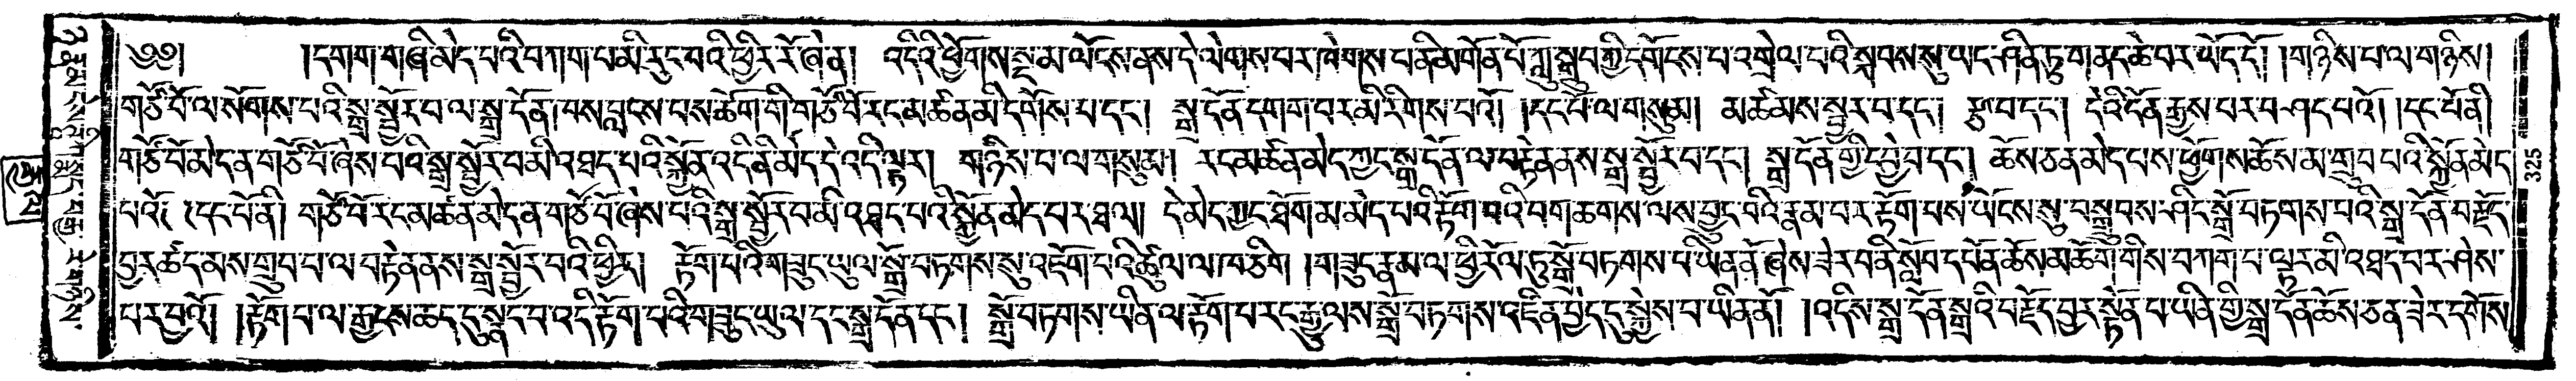༄༅། །དགག་གཞི་མེད་པའི་བཀག་པ་མི་རུང་བའི་ཕྱིར་རོ་ཞེ་ན། འདིའི་ཕྱོགས་སྔ་མ་ལོངས་ནས་དེ་ལེགས་པར་ཁེགས་པ་ནི་མངོན་པོ་ཀླུ་སྒྲུབ་ཀྱི་དགོངས་པ་འགྲེལ་བའི་སྐབས་སུ་ཡང་ཤིན་ཏུ་གནང་ཆེ་བར་ཡོད་དོ། །གཉིས་པ་ལ་གཉིས།
གཙོ་བོ་ལ་སོགས་པའི་སྒྲ་སྦྱོར་བ་ལ་སྒྲ་དོན་ཁས་བླངས་པས་ཆོག་གི་གཙོ་བོ་རང་མཚན་མི་དགོས་པ་དང་། སྒྲ་དོན་དགག་པར་མི་རིགས་པའོ། །དང་པོ་ལ་གསུམ། མཚམས་སྦྱར་བ་དང་། རྩ་བ་དང་། དེའི་དོན་རྒྱས་པར་བཤད་པའོ། །དང་པོ་ནི།
གཙོ་བོ་མེད་ན་གཙོ་བོ་ཞེས་པའི་སྒྲ་སྦྱོར་པ་མི་འཐད་པའི་སྐྱོན་འདི་ནི་མེད་དེ་འདི་ལྟར། གཉིས་བ་ལ་གསུམ། རང་མཚན་མེད་ཀྱང་སྒྲ་དོན་ལ་བརྟེན་ནས་སྒྲ་སྦྱོར་བ་དང་། སྒྲ་དོན་གྱི་དབྱེ་བ་དང་། ཆོས་ཅན་མེད་པས་ཕྱོགས་ཆོས་མ་གྲུབ་པའི་སྐྱོན་མེད་
པའོ༑ ༑དང་པོ་ནི། གཙོ་བོ་རང་མཚན་མེད་ན་གཙོ་བོ་ཞེས་པའི་སྒྲ་སྦྱོར་བ་མི་འཐད་པའི་སྐྱོན་མེད་པར་ཐལ། དེ་མེད་ཀྱང་ཐོག་མ་མེད་པའི་རྟོག་པའི་བག་ཆགས་ལས་བྱུང་བའི་རྣམ་བར་རྟོག་པས་ཡོངས་སུ་བསྒྲུབས་ཤིང་སྒྲོ་བཏགས་པའི་སྒྲ་དོན་བརྗོད་
བྱར་ཚད་མས་གྲུབ་པ་ལ་བརྟེན་ནས་སྒྲ་སྦྱོར་བའི་ཕྱིར། རྟོག་པའི་གཟུང་ཡུལ་སྒྲོ་བཏགས་སུ་འཇོག་པའི་ཚུལ་ལ་ཁ་ཅིག །གཟུང་རྣམ་ལ་ཕྱི་རོལ་ཏུ་སྒྲོ་བཏགས་པ་ཡིན་ནོ་ཞེས་ཟེར་བ་ནི་སློབ་དཔོན་ཆོས་མཆོག་གིས་བཀག་པ་ལྟར་མི་འཐད་པར་ཤེས་
པར་བྱའོ། །རྟོག་པ་ལ་རྒྱངས་ཆད་དུ་སྣང་བ་འདི་རྟོག་པའི་གཟུང་ཡུལ་དང་སྒྲ་དོན་དང་། སྒྲོ་བཏགས་ཡིན་ལ་རྟོག་པ་རང་རྒྱུ་ལས་སྒྲོ་བཏགས་འཛིན་བྱེད་དུ་སྐྱེས་པ་ཡིན་ནོ། །འདིས་སྒྲ་དོན་སྒྲའི་བརྗོད་བྱར་སྟོན་པ་ཡིན་གྱི་སྒྲ་དོན་ཆོས་ཅན་ཟེར་དགོས་